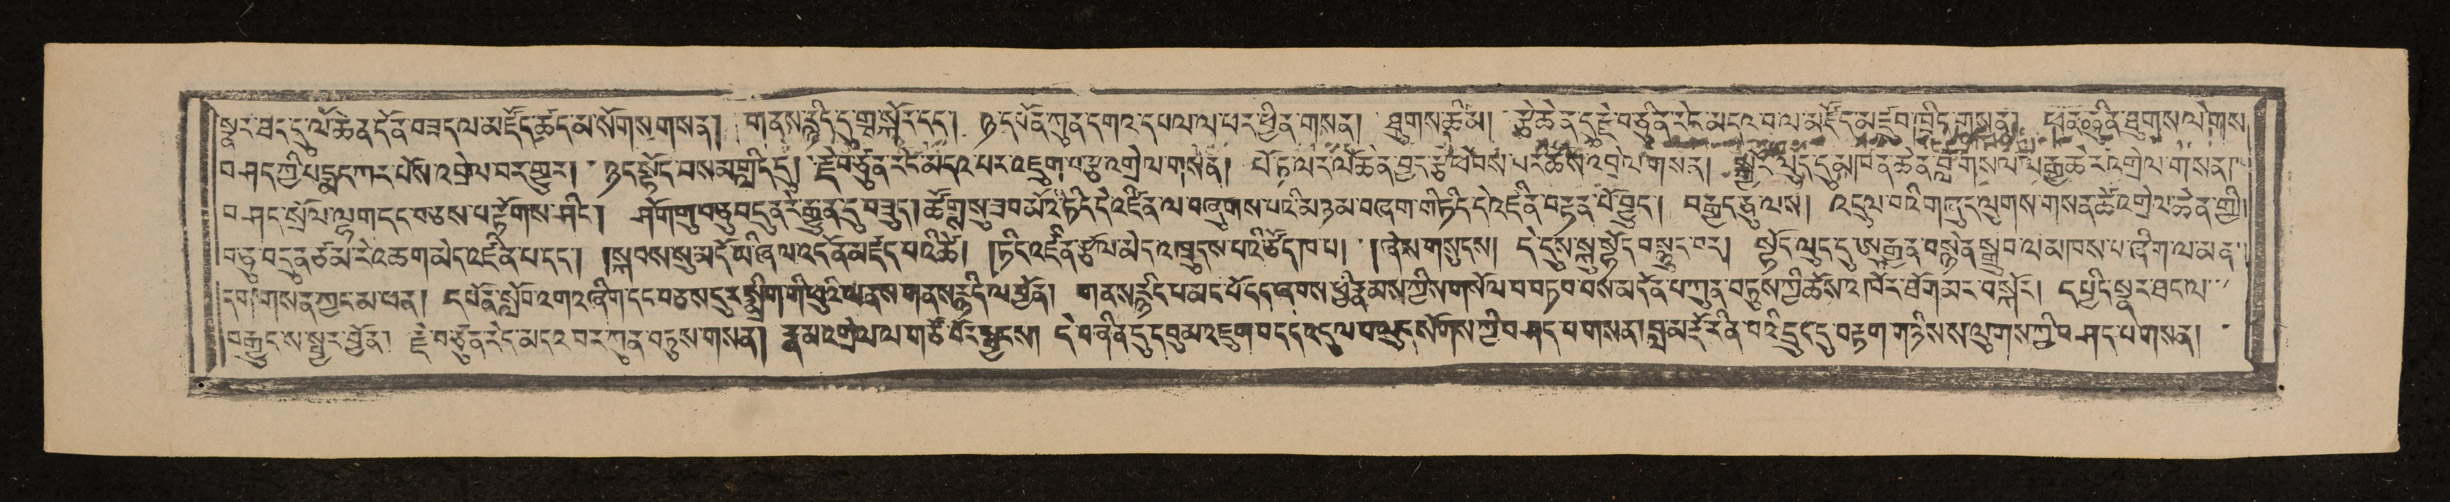སྣར་ཐང་དུ་ལོ་ཆེན་དོན་བཟང་ལ་མཛོད་ཚད་མ་སོགས་གསན། གནས་རྙིང་དུ་གྲྭ་སྐོར་དང་། ཉ་དབོན་ཀུན་དགའ་དཔལ་ལ་ཕར་ཕྱིན་གསན། ཐུགས་ཚིམ། རྩེ་ཆེན་དུ་རྗེ་བཙུན་རེད་མདའ་བ་ལ་མཛོད་མཛུབ་ཁྲིད་གསན། ཕན་ཚུན་ཐུགས་ལེགས་
བཤད་ཀྱི་པདམ་དཀར་པོས་འབྲེལ་བར་གྱུར། ཉང་སྟོད་བསམ་གླིང་དུ། རྗེ་བཙུན་རེད་མདའ་པར་འཇུག་པ་རྩ་འགྲེལ་གསན། པོ་ཏ་ལར་ལོ་ཆེན་བྱང་རྩེ་ཕེབས་པར་ཆོས་འབྲེལ་གསན། སྐྱོར་ལུང་དུ་མཁན་ཆེན་བློ་གསལ་ལ་རྒྱ་ཆེར་འགྲེལ་གསན།
བཤད་སྲོལ་ལྷག་དང་བཅས་པ་རྟོགས་ཤིང་། ཤོག་གུ་བཅུ་བདུན་རེ་རྒྱུན་དུ་བཟུང་། ཚོགས་སུ་ཟབ་མོའི་ཏིང་ངེ་འཛིན་ལ་བཞུགས་པའི་མཉམ་བཞག་གི་ཏིང་ངེ་འཛིན་བརྟན་པོ་བྱུང་། བརྒྱད་ཅུ་ལས། འདུལ་བའི་གཞུང་ལུགས་གསན་ཚེ་འགྲེལ་ཆེན་གྱི་
བཅུ་བདུན་ཙམ་རེ་བ་ཆག་མེད་འཛིན་པ་དང་། །སྐབས་སུ་མདོ་ཡི་ཞལ་འདོན་མཛད་པའི་ཚེ། །ཏིང་འཛིན་རྩོལ་མེད་འཁྲུངས་པའི་ཙོང་ཁ་པ། །ཞེས་གསུངས། དེ་དུས་སྐུ་སྟོད་བསྙུང་བར། སྟོད་ལུང་དུ་ཨུ་རྒྱན་བསྙེན་སྒྲུབ་ལ་མཁས་པ་ཞིག་ལ་མན་
ངག་གསན་ཀྱང་མ་ཕན། དཔོན་སློབ་འགའ་ཞིག་དང་བཅས་ངུར་སྨྲིག་གི་ཕུའི་ལ་ནས་གནས་རྙིང་ལ་བྱོན། གནས་རྙིང་བ་མང་པོ་དང་ཞབས་ཕྱི་རྣམས་ཀྱིས་གསོལ་བ་བཏབ་པས་མངོན་པ་ཀུན་བཏུས་ཀྱི་ཆོས་འཁོར་ཐོག་མར་བསྐོར། དཔྱིད་སྣར་ཐང་ལ་
བརྒྱུད་ས་སྐྱར་བྱོན། རྗེ་བཙུན་རེད་མདའ་པར་ཀུན་བཏུས་གསན། རྣམ་འགྲེལ་ལ་གཙོ་བོར་སྦྱངས། དེ་བཞིན་དུ་དབུ་མ་འཇུག་པ་དང་འདུལ་བ་ལུང་སོགས་ཀྱི་བཤད་པ་གསན། བླ་མ་རྡོ་རིན་པའི་དྲུང་དུ་བརྟག་གཉིས་ས་ལུགས་ཀྱི་བཤད་པ་གསན།